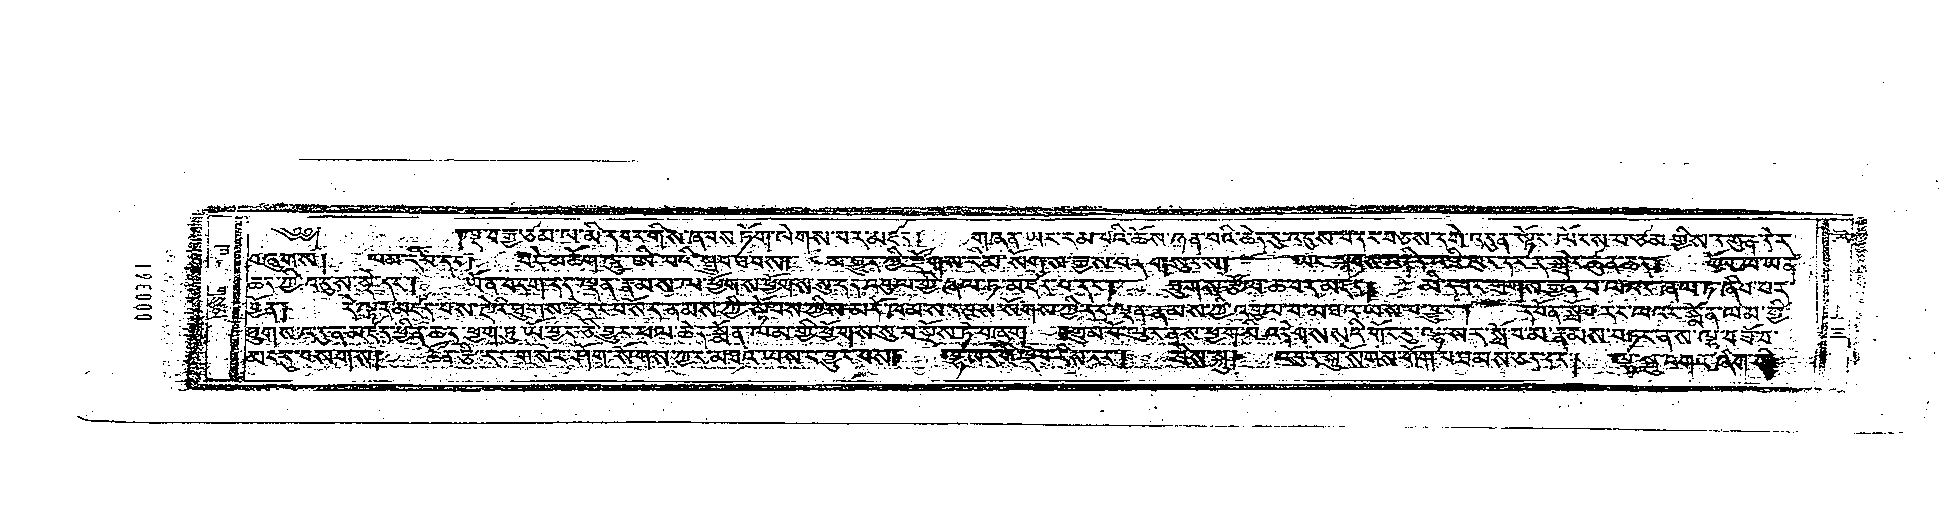༄༅། །ལྔ་བརྒྱ་ཙམ་ལ་མི་དབང་གིས་ཞབས་ཏོག་ལེགས་པར་མཛད། གཞན་ཡང་དམ་པའི་ཆོས་ཉན་པའི་ཆེད་དུ་འདུས་པ་དང་བཅས་དགེ་འདུན་སྟོང་ལོངས་པ་ཙམ་གྱིས་དགུན་དེར་
བཞུགས། ལམ་རིམ་དང་། བདེ་མཆོག་ལཱུ་ཨི་པའི་སྒྲུབ་ཐབས། མ་རྒྱུད་ཀྱི་རྫོགས་རིམ་སོགས་རྒྱས་པར་གསུངས། ཡང་སྐབས་འདིར་འབྲི་ཁུང་དང་ར་སྒྲེང་ཚུན་ཆད། འོལ་ཁ་ཡན་
ཆད་ཀྱི་འདུས་སྡེ་དང་། ཡོན་བདག་དང་ལྡན་རྣམས་ལ་ཕྱོགས་ཕྱོགས་ཕྱོགས་སུ་དད་འབུལ་གྱི་ཞལ་ཏ་མཛད་པ་དང་། ཐུགས་རྩོལ་ཆེ་བར་མཛད། མི་དབང་གྲགས་རྒྱན་པ་ལའང་ཞལ་ཏ་ཞིབ་པར་
བྱོན། དེ་ལྟར་མཛད་པས་རྗེའི་ཐུགས་རྗེ་དང་བསོད་ནམས་ཀྱི་སྟོབས་ཀྱིས་མདོ་ཁམས་དབུས་སོགས་ཀྱི་དད་ལྡན་རྣམས་ཀྱི་འབུལ་བ་མཐའ་ཡས་པ་བྱུང་། དཔོན་སློབ་རང་ལའང་སྨོན་ལམ་གྱི་
ཐུགས་འདུན་མཛད་ཕྱིན་ཆད་ཕྱག་ཏུ་ཡོ་བྱད་ཅི་བྱུང་ཕལ་ཆེར་སྨོན་ལམ་གྱི་ཕྱོགས་སུ་བསྔོས་ཏེ་བཞག །གྲུམ་པོ་ལུང་ནས་ཕྱག་མི་འདེགས་སའི་གོང་དུ་ལྷ་སར་སློབ་མ་རྣམས་བཏང་ནས་ལྷ་བཟོ་བ་
མང་དུ་བསགས། ཚོན་རྩི་དང་གསེར་ཤོག་སོགས་ཀྱང་མཐའ་ཡས་པ་བྱུང་བས། ལྷ་ཁང་གི་ལྡེབ་རིས་དང་། བྲིས་སྐུ། འབུར་སྐུ་སོགས་གོག་པ་ཐམས་ཅད་དང་། ལྟ་སྐུ་འགའ་ཞིག་གི་